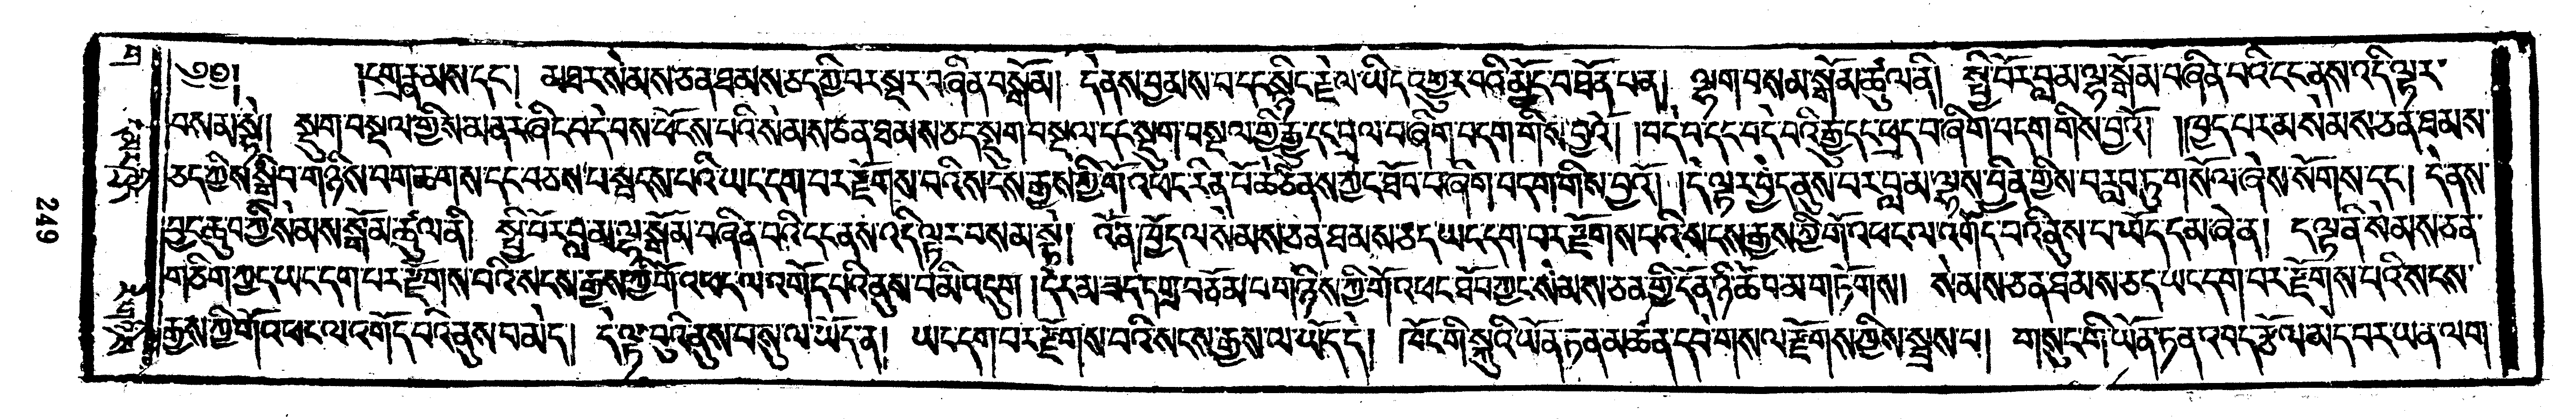༄༅། །དགྲ་རྣམས་དང་། མཐར་སེམས་ཅན་ཐམས་ཅད་ཀྱི་བར་སྔར་བཞིན་བསྒོམ། དེ་ནས་བྱམས་པ་དང་སྙིང་རྗེ་ལ་ཡིད་འགྱུར་བའི་མྱོང་བ་ཐོན་པ་ན། ལྷག་བསམ་བསྒོམ་ཚུལ་ནི། སྤྱི་བོར་བླ་མ་ལྷ་སྒོམ་བཞིན་པའི་ངང་ནས་འདི་ལྟར་
བསམ་སྟེ། སྡུག་བསྔལ་གྱིས་མནར་ཞིང་བདེ་བས་ཕོངས་པའི་སེམས་ཅན་ཐམས་ཅད་སྡུག་བསྔལ་དང་སྡུག་བསྔལ་གྱི་རྒྱུ་དང་བྲལ་བ་ཞིག་བདག་གིས་བྱའོ། །བདེ་བ་དང་བདེ་བའི་རྒྱུ་དང་ཕྲད་བ་ཞིག་བདག་གིས་བྱའོ། །ཁྱད་པར་མ་སེམས་ཅན་ཐམས་
ཅད་ཀྱིས་སྒྲིབ་གཉིས་བག་ཆགས་དང་བཅས་པ་སྤངས་པའི་ཡང་དག་པར་རྫོགས་པའི་སངས་རྒྱས་ཀྱི་གོ་འཕང་རིན་པོ་ཆེ་ཅི་ནས་ཀྱང་ཐོབ་པ་ཞིག་བདག་གིས་བྱའོ། །དེ་ལྟར་བྱེད་ནུས་པར་བླ་མ་ལྷས་བྱིན་གྱིས་བརླབ་ཏུ་གསོལ་ཞེས་སོགས་དང་། དེ་ནས་
བྱང་ཆུབ་ཀྱི་སེམས་སྒོམ་ཚུལ་ནི། སྤྱི་བོར་བླ་མ་ལྷ་སྒོམ་བཞིན་པའི་དང་ནས་འདི་ལྟར་བསམ་སྟེ། འོ་ན་ཁྱོད་ལ་སེམས་ཅན་ཐམས་ཅད་ཡང་དག་པར་རྫོགས་པའི་སངས་རྒྱས་ཀྱི་གོ་འཕང་ལ་འགོད་པའི་ནུས་པ་ཡོད་དམ་ཞེ་ན། ད་ལྟ་ནི་སེམས་ཅན་
གཅིག་ཀྱང་ཡང་དག་པར་རྫོགས་པའི་སངས་རྒྱས་ཀྱི་གོ་འཕང་ལ་འགོད་པའི་ནུས་པ་མི་འདུག །དེར་མ་ཟད་དགྲ་བཅོམ་པ་གཉིས་ཀྱི་གོ་འཕང་ཐོབ་ཀྱང་སེམས་ཅན་གྱི་དོན་ཉི་ཚེ་བ་མ་གཏོགས། སེམས་ཅན་ཐམས་ཅད་ཡང་དག་པར་རྫོགས་པའི་སངས་
རྒྱས་ཀྱི་གོ་འཕང་ལ་འགོད་པའི་ནུས་པ་མེད། དེ་ལྟ་བུའི་ནུས་པ་སུ་ལ་ཡོད་ན། ཡང་དག་པར་རྫོགས་པའི་སངས་རྒྱས་ལ་ཡོད་དེ། ཁོང་གི་སྐུའི་ཡོན་ཏན་མཚན་དབེ་གསལ་རྫོགས་ཀྱིས་སྤྲས་པ། གསུང་གི་ཡོན་ཏན་འབད་རྩོལ་མེད་པར་ཡན་ལག་